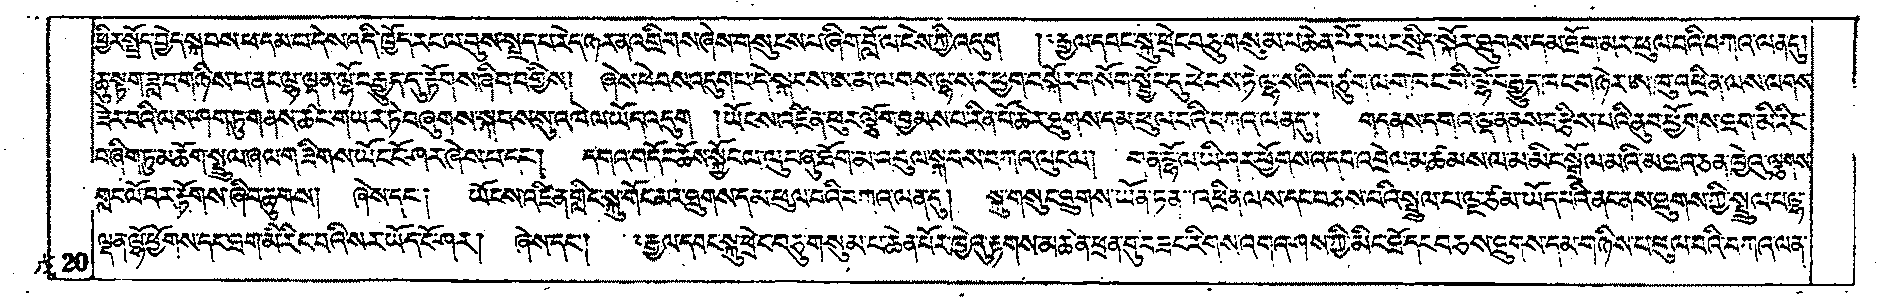ཕྱིར་སྤྲོད་བྱེད་སྐབས་ཕ་དམ་པ་དེས་འདི་ཁྱོད་རང་ལ་བུས་སྤྲད་པ་རེད་ཉར་ན་འགྲིགས་ཞེས་གསུངས་པ་ཞིག་བློ་ལ་ངེས་ཀྱི་འདུག །༧རྒྱལ་དབང་སྐུ་ཕྲེང་བཅུ་གསུམ་པ་ཆེན་པོར་ཡང་སྲིད་སྐོར་ཐུགས་དམ་ཐོག་མར་ཕུལ་བའི་བཀའ་ལན་དུ།
ཆུ་སྟག་ཟླ་བ་གཉིས་པ་ནང་ལྷ་ལྡན་ལྷོ་བརྒྱུད་དུ་རྟོགས་ཞིབ་བགྱིས། ཞེས་ཕེབས་འདུག་པ་དེ་སྐབས་ཨ་མ་ལགས་ལྷ་སར་ཕྱག་བསྐོར་གསོག་སྦྱོང་དུ་ཕེབས་ཏེ་ལྷ་སའི་གཙུག་ལག་ཁང་གི་ལྷོ་བརྒྱུད་ཁང་གཉེར་ཨ་ཁུ་འཕྲིན་ལས་ལགས་
ཟེར་བའི་ལས་ཤག་ཏུ་གནས་ཚང་གཡར་ཏེ་བཞུགས་སྐབས་སུ་འཁེལ་ཡོད་འདུག །ཡོངས་འཛིན་ཕུར་ལྕོག་བྱམས་པ་རིན་པོ་ཆེར་ཐུགས་དམ་ཕུལ་བའི་བཀའ་ལན་དུ། གདན་ས་དགའ་ལྡན་ནས་བརྩིས་པའི་ནུབ་ཕྱོགས་ཐག་མི་རིང་
བ་ཞིག་ཏུ་མཆོག་སྤྲུལ་ཞལ་གཟིགས་ཡོང་ངོ་ཤར་ཞེས་པ་དང་། དགའ་གདོང་ཆོས་སྐྱོང་ལ་ལུང་ཞུ་ཐོག་མ་འབུལ་སྐབས་བཀའ་ལུང་ལ། གན་དྷོ་ལ་ཡི་ཤར་ཕྱོགས་འདབ་འབྲེལ་མཚམས་ལ་མ་མིང་སྒྲོལ་མའི་མཐའ་ཅན་ཁྱེའུ་ལྕགས་
གླང་ལོ་བར་རྟོགས་ཞིབ་ཆུགས། ཞེས་དང་། ཡོངས་འཛིན་གླིང་སྐུ་གོང་མར་ཐུགས་དམ་ཕུལ་བའི་བཀའ་ལན་དུ། སྐུ་གསུང་ཐུགས་ཡོན་ཏན་འཕྲིན་ལས་དང་བཅས་པའི་སྤྲུལ་པ་ལྔ་ཙམ་ཡོད་པའི་ནང་ནས་ཐུགས་ཀྱི་སྤྲུལ་པ་ལྷ་
ལྡན་ལྷོ་ཕྱོགས་དང་ཐག་མི་རིང་བའི་སར་ཡོད་ངོ་ཤར། ཞེས་དང་། ༧རྒྱལ་དབང་སྐུ་ཕྲེང་བཅུ་གསུམ་པ་ཆེན་པོར་ཁྱེའུ་རྟགས་མཚན་ཕྲན་བུ་བཟང་རིགས་འགའ་ཤས་ཀྱི་མིང་ཐོ་དང་བཅས་ཐུགས་དམ་གཉིས་པ་ཕུལ་བའི་བཀའ་ལན་